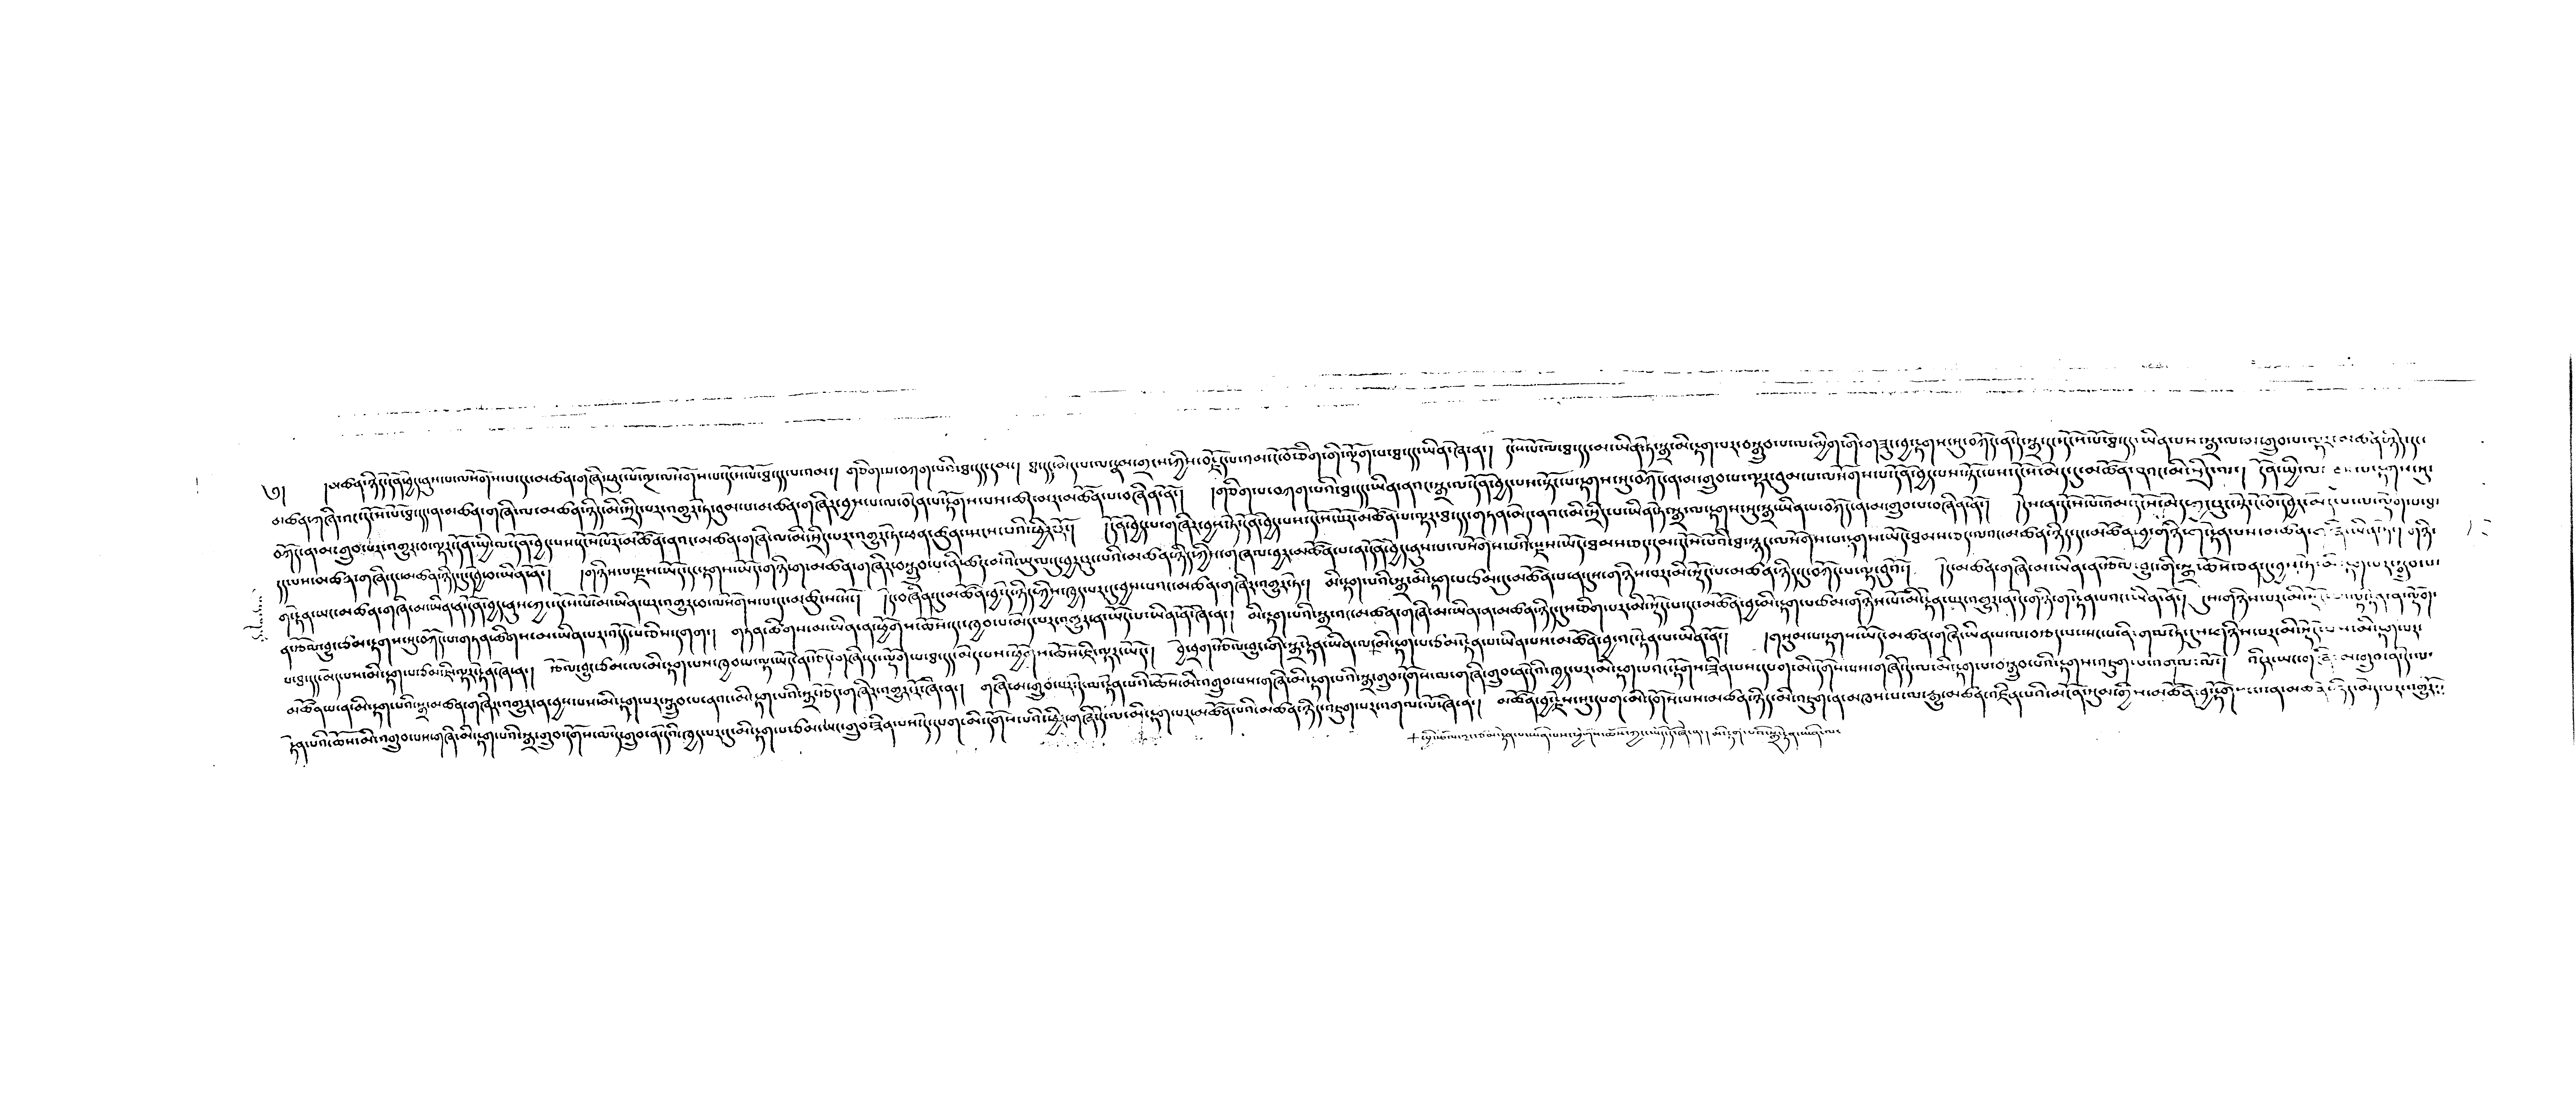༈། །མཚན་ཉིད་དོན་བྱེད་ནུས་པ་ལ་སོགས་པ་དང་མཚན་གཞི་ཕུང་པོ་ལྔ་ལ་སོགས་པ་དངོས་པོ་ཐ་དད་པའམ། གཅིག་པ་བཀག་པའི་ཐ་དད་དམ། ཐ་དད་མེད་པ་ལ་རྣམ་གྲངས་ཀྱིས་བརྗོད་པ་འམ་ངོ་བོ་ཅིག་གི་ལྡོག་པ་ཐ་དད་ཡིན་ཞེ་ན། དངོས་པོ་ལ་ཐ་དད་མ་ཡིན་ཏེ་སྒྲ་མི་རྟག་པར་བསྒྲུབ་པ་ལ་མིག་གི་གཟུང་བྱ་རྟགས་སུ་བཀོད་ན་དེ་སྒྲ་དང་དངོས་པོ་ཐ་དད་ཡིན་པས་སྒྲ་ལ་མ་གྲུབ་པ་ལྟར་མཚན་ཉིད་དང་
མཚན་གཞི་འང་དངོས་པོ་ཐ་དད་ན་མཚན་གཞི་ལ་མཚན་ཉིད་ཇི་སྲིད་པར་འགྱུར་ཏེ་བུམ་པ་མཚན་གཞིར་བྱས་པ་ལ་བདེན་པ་རྟོགས་པས་ཚད་མར་མཚོན་པ་བཞིན་ནོ། །གཅིག་པ་བཀག་པའི་ཐ་དད་ཡིན་ནའང་སྒྲ་ལ་དོན་བྱེད་པས་སྟོང་པ་རྟགས་སུ་བཀོད་ན་མ་གྲུབ་པ་ལྟར་བུམ་པ་ལ་སོགས་པ་དོན་བྱེད་པས་སྟོང་པས་དངོས་མེད་དུ་མཚོན་ནའང་མི་སྲིད་ལ། དོན་སྤྱིད་ལ་བྱས་པ་རྟགས་སུ་
བཀོད་ན་མ་གྲུབ་པར་འགྱུར་བ་ལྟར་དོན་ཕྱི་ལ་དོན་བྱེད་པས་དངོས་པོར་མཚོན་ནའང་མཚན་གཞི་ལ་མི་སྲིད་པར་འགྱུར་ཏེ་ཕན་ཚུན་སྤངས་པའི་ཕྱིར་རོ། །དོན་བྱེད་པ་གཞིར་བྱས་ཏེ་དོན་བྱེད་པས་དངོས་པོར་མཚོན་པ་ལྟར་ཐ་དད་གཏན་མེད་ནའང་མི་སྲིད་པ་ཡིན་ཏེ་སྒྲ་ལ་རྟགས་སུ་སྒྲ་ཡིན་པ་བཀོད་ན་མ་གྲུབ་པ་བཞིན་ནོ། །དེས་ན་དངོས་པོ་འམ་དངོས་མེད་ཀྱང་རུང་སྟེ་ངོ་བོ་དབྱེར་མེད་པ་ལ་ལྡོག་པ་ཐ་
དད་པས་མཚན་གཞི་དང་མཚན་ཉིད་དུ་དབྱེ་བ་ཡིན་ནོ། །གཉིས་པ་རྫས་ཡོད་དང་རྟགས་ཡོད་གཉི་ག་མཚན་གཞིར་བསྒྲུབ་པ་ནི་ཚད་མའི་ཡུལ་དུ་བྱར་རུང་བའི་མཚན་ཉིད་ཀྱིས་གཞལ་བྱར་མཚོན་པ་ན་དོན་བྱེད་ནུས་པ་ལ་སོགས་པའི་རྫས་ཡོད་ཐམས་ཅད་དམ་དངོས་པོའི་ཐ་སྙད་ལ་སོགས་པ་རྟགས་ཡོད་ཐམས་ཅད་ལའང་མཚན་ཉིད་དང་མཚོན་བྱ་གཉི་ག་སྟོན་པས་མཚན་གཞི་ཡིན་ཏེ། གཉི་
ག་རྟེན་ཡང་མཚན་གཞི་མ་ཡིན་ན་དོན་བྱེད་ནུས་ཀྱང་དངོས་པོ་མ་ཡིན་པར་འགྱུར་བ་ལ་སོགས་པ་དང་མཚུངས་སོ། །དེ་བཞིན་དུ་མཚོན་བྱ་དེ་ཉིད་ཀྱིས་ཁྱད་པར་དུ་བྱས་པའང་མཚན་གཞིར་འགྱུར་ཏེ། མི་རྟག་པའི་སྒྲ་མི་རྟག་པ་ཙམ་དུ་མཚོན་པ་ན་དུས་གཉིས་བར་མི་སྤྲོད་པ་མཚན་ཉིད་དུ་བཀོད་པ་ལྟ་བུའོ། །དེ་མཚན་གཞི་མ་ཡིན་ན་རྩོལ་བྱུང་གི་སྒྲ་ཆོས་ཅན་དུ་བྱས་ཏེ་ཆོས་རྟག་པར་སྒྲུབ་པ་
ན་རྩོམ་བྱུང་ཙམ་རྟགས་སུ་བཀོད་པ་གཏན་ཚིགས་མ་ཡིན་པར་འདོད་པ་ཅིས་དགག། གཏན་ཚིགས་མ་ཡིན་ན་ཕྱོགས་ཆོས་དང་ཁྱབ་པ་མེད་པར་འགྱུར་ནས་ཡོད་པ་ཡིན་ནོ་ཞེ་ན། མི་རྟག་པའི་སྒྲ་འང་མཚན་གཞི་མ་ཡིན་ན་མཚན་ཉིད་དུས་ཅིག་པར་མི་སྡོད་པ་དང་མཚོན་བྱ་མི་རྟག་པ་ཙམ་གཉིས་པོ་མི་རྟེན་པར་འགྱུར་ན་དེ་གཉི་ག་རྟེན་པའང་ཡིན་ནོ། །དུས་གཉིས་པར་མི་སྟོང་པ་ལྟ་རྟེན་ན་ལྡོག་
པ་ཐ་དད་མེད་པས་མི་རྟག་པ་ཙམ་ཇི་ལྟར་རྟེན་ཞེ་ན། རྩོལ་བྱུང་ཙམ་ལ་མི་རྟག་པས་ཁྱབ་པ་ལྷ་ཡོད་ན་རྩོད་གཞི་དང་ལྡོག་པ་ཐ་དད་མེད་པས་ཕྱོགས་ཆོས་ཇི་ལྟར་ཡོད། བྱེ་བྲག་རྩོལ་བྱུང་གི་སྒྲ་རྟེན་ཡིན་ལ་ཕྱི་ཅོས་ཟ་ཙམ་རྟེན་པ་ཡིན་པས་ཕྱོགས་ཆོས་ཀྱང་ཡོད་དོ་ཞེ་ན། མི་རྟག་པའི་སྒྲ་རྟེན་ཡོན་ལ་མི་རྟག་པ་ཙམ་རྟེན་པ་ཡིན་པས་མཚོན་བྱ་འང་རྟེན་པ་ཡིན་ནོ། །གསུམ་པ་རྟགས་ཡོད་མཚན་གཞི་ཡིན་པ་ལ་བརྩད་པ་སྤང་པ་ནི་གམ་ཏེ་དུས་གཉིས་པར་མི་སྟོང་པས་མི་རྟག་པར་
མཚོན་པ་ནི་མི་རྟག་པའི་སྒྲ་མཚན་གཞིར་འགྱུར་ན་བྱས་པས་མི་རྟག་པར་སྒྲུབ་པ་ནའང་མི་རྟག་པའི་སྒྲ་རྩོད་གཞིར་འགྱུར་རོ་ཞེ་ན། གཞི་མ་གྲུབ་པར་དེ་མ་རྟེན་པའི་ཆོས་མི་འགྲུབ་པས་གཞི་མི་རྟག་པའི་སྒྲ་གྲུབ་དོགས་མ་གཞི་གྲུབ་ན་དེའི་ཁྱད་པར་མི་རྟག་པའི་རྟོགས་ཟིན་པས་དཔག་མེད་དགོས་པས་གཞི་དེ་ལ་མི་རྟག་པ་བསྒྲུབ་པའི་རྟགས་འཇུག་པ་འགལ་ལོ། འདིར་ཡང་གཞི་མ་གྲུབ་ན་དེ་ལ་
རྟེན་པའི་ཆོས་མི་འགྲུབ་པས་གཞི་མི་རྟག་པའི་སྒྲ་གྲུབ་དགོས་པ་དེ་གྲུབ་ན་དེའི་ཁྱད་པར་དུ་མི་རྟག་པ་ཙམ་ཡང་གྲུབ་ཟིན་པས་དེ་དཔག་མི་དགོས་པའི་ཕྱིར་གཞི་དེ་ལ་མི་རྟག་པར་མཚོན་པའི་མཚན་ཉིད་འཇུག་པར་འགལ་ལོ་ཞེ་ན། མཚོན་བྱ་རྗེས་སུ་དཔག་མི་དགོས་པས་མཚན་ཉིད་མི་འཇུག་ན་མཁས་པ་ལ་རྒྱུ་མཚན་འཛིན་པའི་མངོན་སུམ་གྱི་མཚོན་བྱ་རྟོགས་པ་ན་མཚན་ཉིད་མེད་པར་འགྱུར་རོ༑